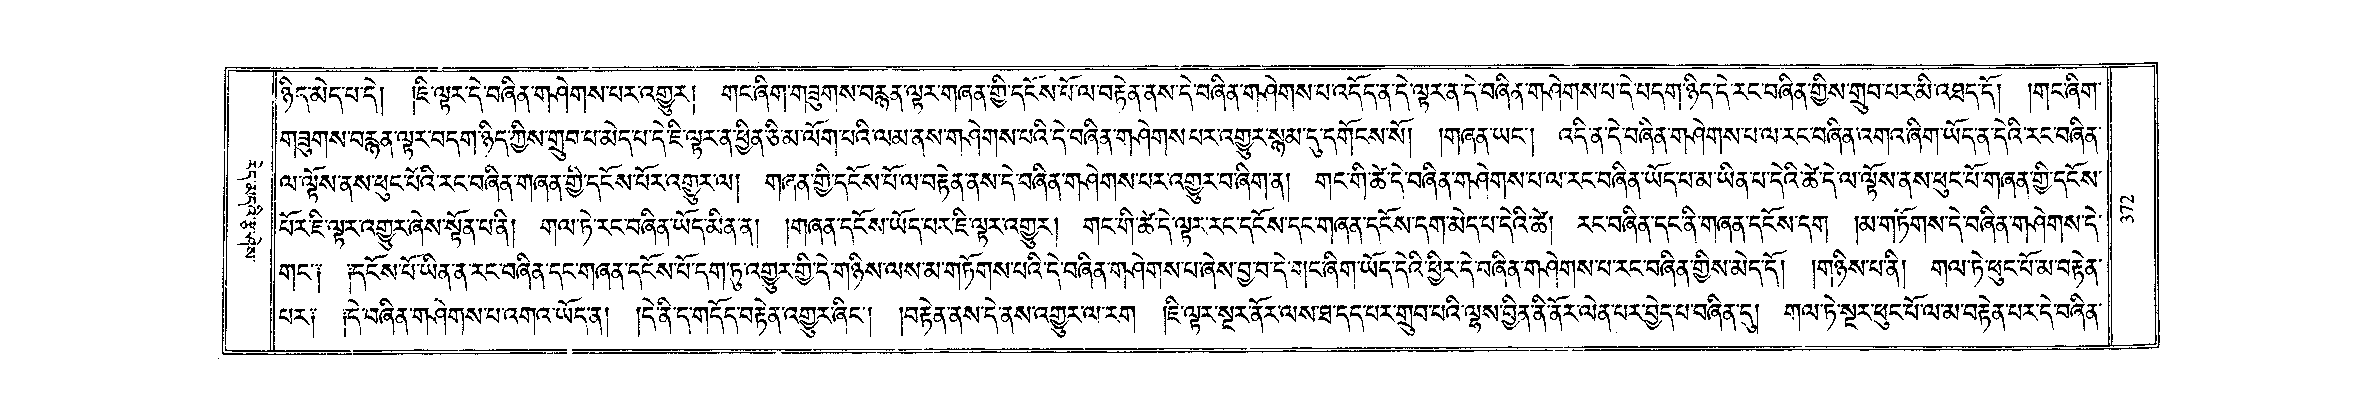ཉིད་མེད་པ་དེ། །ཇི་ལྟར་དེ་བཞིན་གཤེགས་པར་འགྱུར། གང་ཞིག་གཟུགས་བརྙན་ལྟར་གཞན་གྱི་དངོས་པོ་ལ་བརྟེན་ནས་དེ་བཞིན་གཤེགས་པ་འདོད་ན་དེ་ལྟར་ན་དེ་བཞིན་གཤེགས་པ་དེ་བདག་ཉིད་དེ་རང་བཞིན་གྱིས་གྲུབ་པར་མི་འཐད་དོ། །གང་ཞིག་
གཟུགས་བརྙན་ལྟར་བདག་ཉིད་ཀྱིས་གྲུབ་པ་མེད་པ་དེ་ཇི་ལྟར་ན་ཕྱིན་ཅི་མ་ལོག་པའི་ལམ་ནས་གཤེགས་པའི་དེ་བཞིན་གཤེགས་པར་འགྱུར་སྙམ་དུ་དགོངས་སོ། །གཞན་ཡང་། འདི་ན་དེ་བཞིན་གཤེགས་པ་ལ་རང་བཞིན་འགའ་ཞིག་ཡོད་ན་དེའི་རང་བཞིན་
ལ་ལྟོས་ནས་ཕུང་པོའི་རང་བཞིན་གཞན་གྱི་དངོས་པོར་འགྱུར་ལ། གཞན་གྱི་དངོས་པོ་ལ་བརྟེན་ནས་དེ་བཞིན་གཤེགས་པར་འགྱུར་བ་ཞིག་ན། གང་གི་ཚེ་དེ་བཞིན་གཤེགས་པ་ལ་རང་བཞིན་ཡོད་པ་མ་ཡིན་པ་དེའི་ཚེ་དེ་ལ་ལྟོས་ནས་ཕུང་པོ་གཞན་གྱི་དངོས་
པོར་ཇི་ལྟར་འགྱུར་ཞེས་སྟོན་པ་ནི། གལ་ཏེ་རང་བཞིན་ཡོད་མིན་ན། །གཞན་དངོས་ཡོད་པར་ཇི་ལྟར་འགྱུར། གང་གི་ཚེ་དེ་ལྟར་རང་དངོས་དང་གཞན་དངོས་དག་མེད་པ་དེའི་ཚེ། རང་བཞིན་དང་ནི་གཞན་དངོས་དག །མ་གཏོགས་དེ་བཞིན་གཤེགས་དེ་
གང༑ ༑དངོས་པོ་ཡིན་ན་རང་བཞིན་དང་གཞན་དངོས་པོ་དག་ཏུ་འགྱུར་གྱི་དེ་གཉིས་ལས་མ་གཏོགས་པའི་དེ་བཞིན་གཤེགས་པ་ཞེས་བྱ་བ་དེ་གང་ཞིག་ཡོད་དེའི་ཕྱིར་དེ་བཞིན་གཤེགས་པ་རང་བཞིན་གྱིས་མེད་དོ། །གཉིས་པ་ནི། གལ་ཏེ་ཕུང་པོ་མ་བརྟེན་
པར༑ ༑དེ་བཞིན་གཤེགས་པ་འགའ་ཡོད་ན། །དེ་ནི་ད་གདོད་བརྟེན་འགྱུར་ཞིང་། །བརྟེན་ནས་དེ་ནས་འགྱུར་ལ་རག །ཇི་ལྟར་སྔར་ནོར་ལས་ཐ་དད་པར་གྲུབ་པའི་ལྷས་བྱིན་ནི་ནོར་ལེན་པར་བྱེད་པ་བཞིན་དུ། གལ་ཏེ་སྔར་ཕུང་པོ་ལ་མ་བརྟེན་པར་དེ་བཞིན་